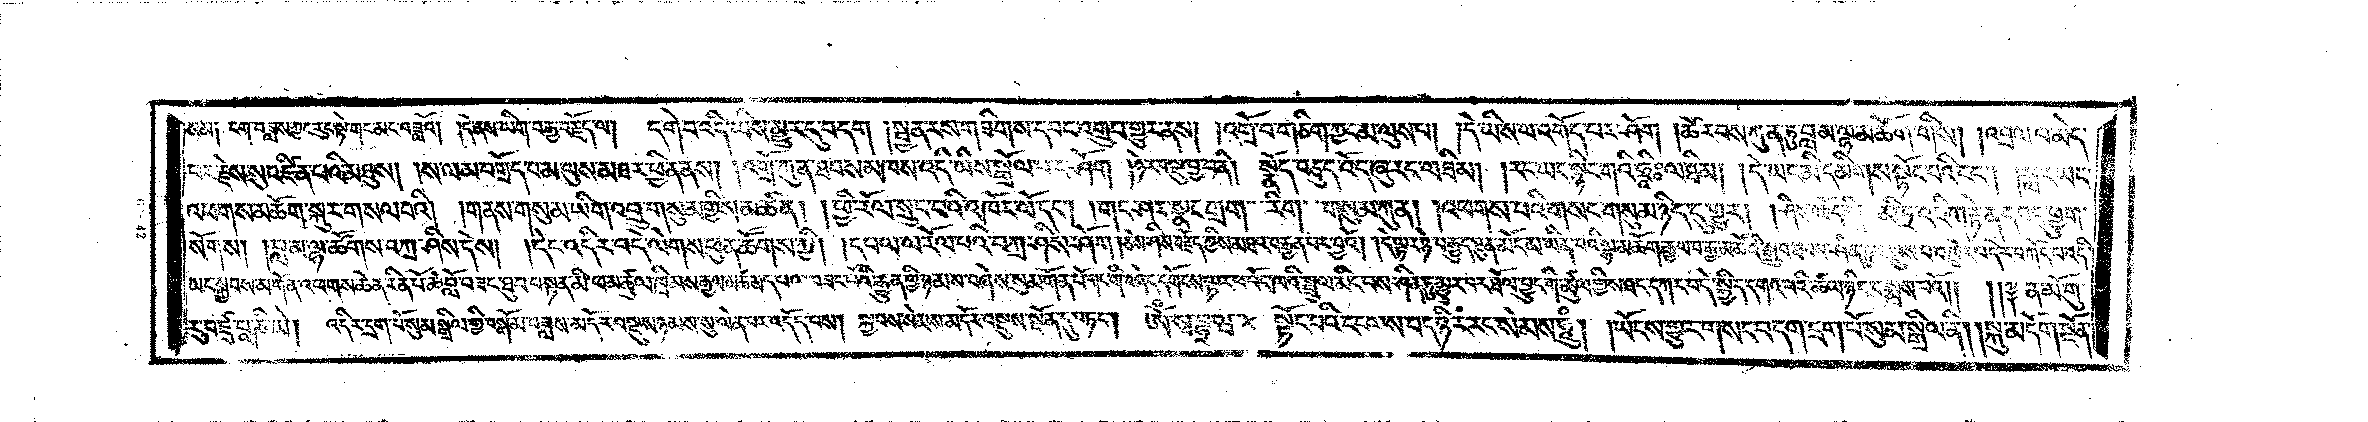སམ༑ ངག་བཟླས་ཀྱང་རུང་སྟེ་གང་མང་བཟླའོ། །དེ་ནས་ཡིག་བརྒྱ་བརྗོད་ལ།  དགེ་བ་འདི་ཡིས་མྱུར་དུ་བདག །སྤྱན་རས་གཟིགས་དབང་འགྲུབ་གྱུར་ནས། །འགྲོ་བ་གཅིག་ཀྱང་མ་ལུས་པ། །དེ་ཡི་ས་ལ་འགོད་པར་ཤོག །ཚེ་རབས་ཀུན་ཏུ་བླ་མ་ལྷ་མཆོག་གིས། །འབྲལ་བ་མེད་
པར་རྗེས་སུ་འཛིན་པའི་མཐུས། །ས་ལམ་བགྲོད་པ་མ་ལུས་མཐར་ཕྱིན་ནས། །འགྲོ་ཀུན་ཐབས་མཁས་འདི་ཡིས་སྒྲོལ་བར་ཤོག །ཉེར་བསྡུ་བྱ་བ་ནི། སྣོད་བཅུད་འོད་ཞུ་རང་ལ་ཐིམ། །རང་ཡང་སྙིང་གའི་ཧྲཱིཿ ལ་ཐིམ། །དེ་ཡང་མི་དམིགས་སྟོང་པའི་ངང་། །སླར་ཡང་
འཕགས་མཆོག་སྐུར་གསལ་བའི། །གནས་གསུམ་ཡིག་འབྲུ་གསུམ་གྱིས་མཚན། །ཕྱི་རོལ་སྲུང་བའི་འཁོར་ལོ་དང་། །གང་ཤར་སྣང་གྲག་རིག་གསུམ་ཀུན། །འཕགས་པའི་གསང་གསུམ་ཉིད་དུ་གྱུར། །ཤིས་བརྗོད་ནི།  མི་ཏྲ་འཇིག་རྟེན་དབང་ཕྱུག་
སོགས། །བླ་མ་ལྷ་ཚོགས་བཀྲ་ཤིས་དེས། །དེང་འདིར་བདེ་ལེགས་ཕུན་ཚོགས་ཀྱི། །དཔལ་ལ་རོལ་པའི་བཀྲ་ཤིས་ཤོག །ཅེས་ཤིས་བརྗོད་ཀྱིས་མཐའ་བརྒྱན་པར་བྱའོ། །དེ་ལྟར་ཉེ་བརྒྱུད་ཐུན་མོང་མ་ཡིན་པའི་ལྷ་མཆོག་རྒྱལ་བ་རྒྱ་མཚོའི་སྒྲུབ་ཐབས་ཤིན་ཏུ་བསྡུས་པ་འཁྱེར་བདེར་བཀོད་པ་འདི་
ཡང་སྐྱབས་མགོན་འཕགས་ཆེན་རིན་པོ་ཆེ་བློ་བཟང་ཐུབ་བསྟན་མི་ཕམ་ཚུལ་ཁྲིམས་རྒྱལ་མཚན་དཔལ་བཟང་པོའི་རྒྱུན་གྱི་ཉམས་བཞེས་སུ་མགོན་པོ་གང་གི་བཞེད་དགོངས་ལྟར་ཕ་བོང་ཁའི་སྤྲུལ་མིང་བས་ཤིན་ཏུ་མྱུར་བར་ཐོལ་བྱུང་གི་ཚུལ་གྱིས་ཐང་དཀར་བདེ་སྐྱིད་དགའ་བའི་ཚལ་ཉིད་པ་སྨྲས་པའོ།། །། ༈ ན་མོ་གུ་
རུ་བཛྲ་པཱ་ཎི་ཡེ། འདིར་དྲག་པོ་སུམ་སྒྲིལ་གྱི་བསྒོམ་བཟླས་མདོར་བསྡུས་ཉམས་སུ་ལེན་པར་འདོད་པས། སྐྱབས་སེམས་མདོར་བསྡུས་སྔོན་དུ་བཏང་།  ཨོཾ་སྭ་བྷཱ་ཝ་྾་སྟོང་པའི་ངང་ལས་པད་ཉིར་རང་སེམས་ཧཱུཾ། །ཡོངས་གྱུར་གསང་བདག་དྲག་པོ་སུམ་སྒྲིལ་ནི། །སྐུ་མདོག་སྔོན་